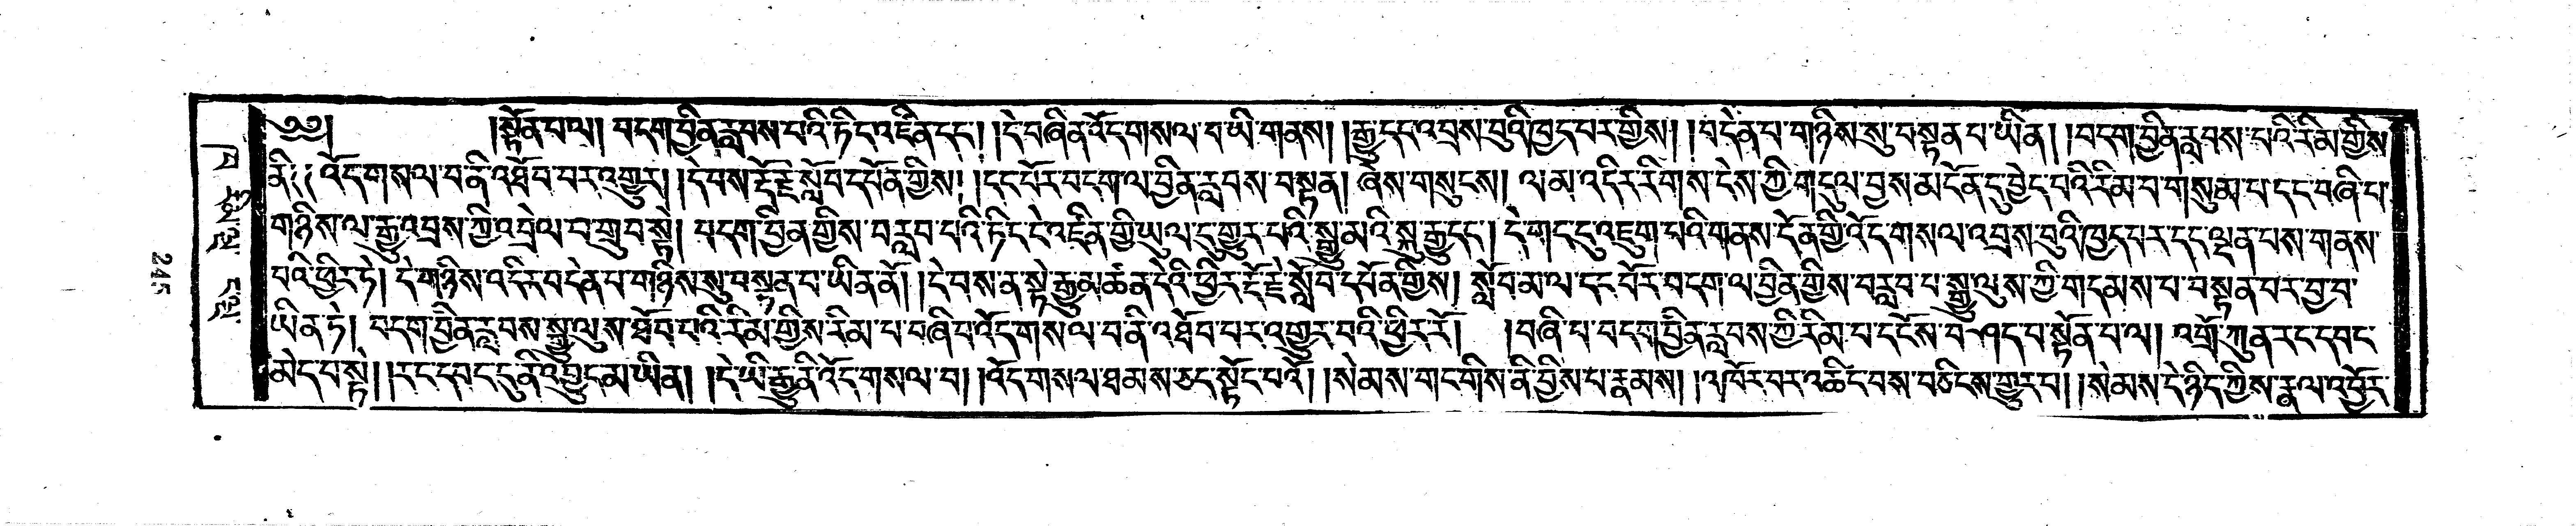༄༅། །སྟོན་པ་ལ། བདག་བྱིན་རླབས་པའི་ཏིང་འཛིན་དང་། །དེ་བཞིན་འོད་གསལ་བ་ཡི་གནས། །རྒྱུ་དང་འབྲས་བུའི་ཁྱད་པར་གྱིས། །བདེན་པ་གཉིས་སུ་བསྟན་པ་ཡིན། །བདག་བྱིན་རླབས་པའི་རིམ་གྱིས་
ནི༑ ༑འོད་གསལ་བ་ནི་འཐོབ་པར་འགྱུར། །དེ་བས་རྡོ་རྗེ་སློབ་དཔོན་གྱིས། །དང་པོར་བདག་ལ་བྱིན་རླབས་བསྟན། ཞེས་གསུངས། ལམ་འདིར་རིགས་ངེས་ཀྱི་གདུལ་བྱས་མངོན་དུ་བྱེད་པའི་རིམ་པ་གསུམ་པ་དང་བཞི་པ་
གཉིས་ལ་རྒྱུ་འབྲས་ཀྱི་འབྲེལ་པ་གྲུབ་སྟེ། བདག་བྱིན་གྱིས་བརླབ་པའི་ཏིང་ངེ་འཛིན་གྱི་ཡུལ་དུ་གྱུར་པའི་སྒྱུ་མའི་སྐུ་རྒྱུ་དང་། དེ་གང་དུ་འཇུག་པའི་གནས་དོན་གྱི་འོད་གསལ་འབྲས་བུའི་ཁྱད་པར་དང་ལྡན་པས་གནས་
པའི་ཕྱིར་ཏེ། དེ་གཉིས་འདིར་བདེན་པ་གཉིས་སུ་བསྟན་པ་ཡིན་ནོ། །དེ་བས་ན་སྟེ་རྒྱུ་མཚན་དེའི་ཕྱིར་རྡོ་རྗེ་སློབ་དཔོན་གྱིས། སློབ་མ་ལ་དང་པོར་བདག་ལ་བྱིན་གྱིས་བརླབ་པ་སྒྱུ་ལུས་ཀྱི་གདམས་པ་བསྟན་པར་བྱ་བ་
ཡིན་ཏེ། བདག་བྱིན་རླབས་སྒྱུ་ལུས་ཐོབ་པའི་རིམ་གྱིས་རིམ་པ་བཞི་པ་འོད་གསལ་བ་ནི་འཐོབ་པར་འགྱུར་པའི་ཕྱིར་རོ། །བཞི་པ་བདག་བྱིན་རླབས་ཀྱི་རིམ་པ་དངོས་བཤད་པ་སྟོན་པ་ལ། འགྲོ་ཀུན་རང་དབང་
མེད་པ་སྟེ། །རང་དབང་དུ་ནི་འབྱུང་མ་ཡིན། །དེ་ཡི་རྒྱུ་ནི་འོད་གསལ་བ། །འོད་གསལ་ཐམས་ཅད་སྟོང་པའོ། །སེམས་གང་གིས་ནི་བྱིས་པ་རྣམས། །འཁོར་བར་འཆིང་བས་བཅིངས་གྱུར་པ། །སེམས་དེ་ཉིད་ཀྱིས་རྣལ་འབྱོར་